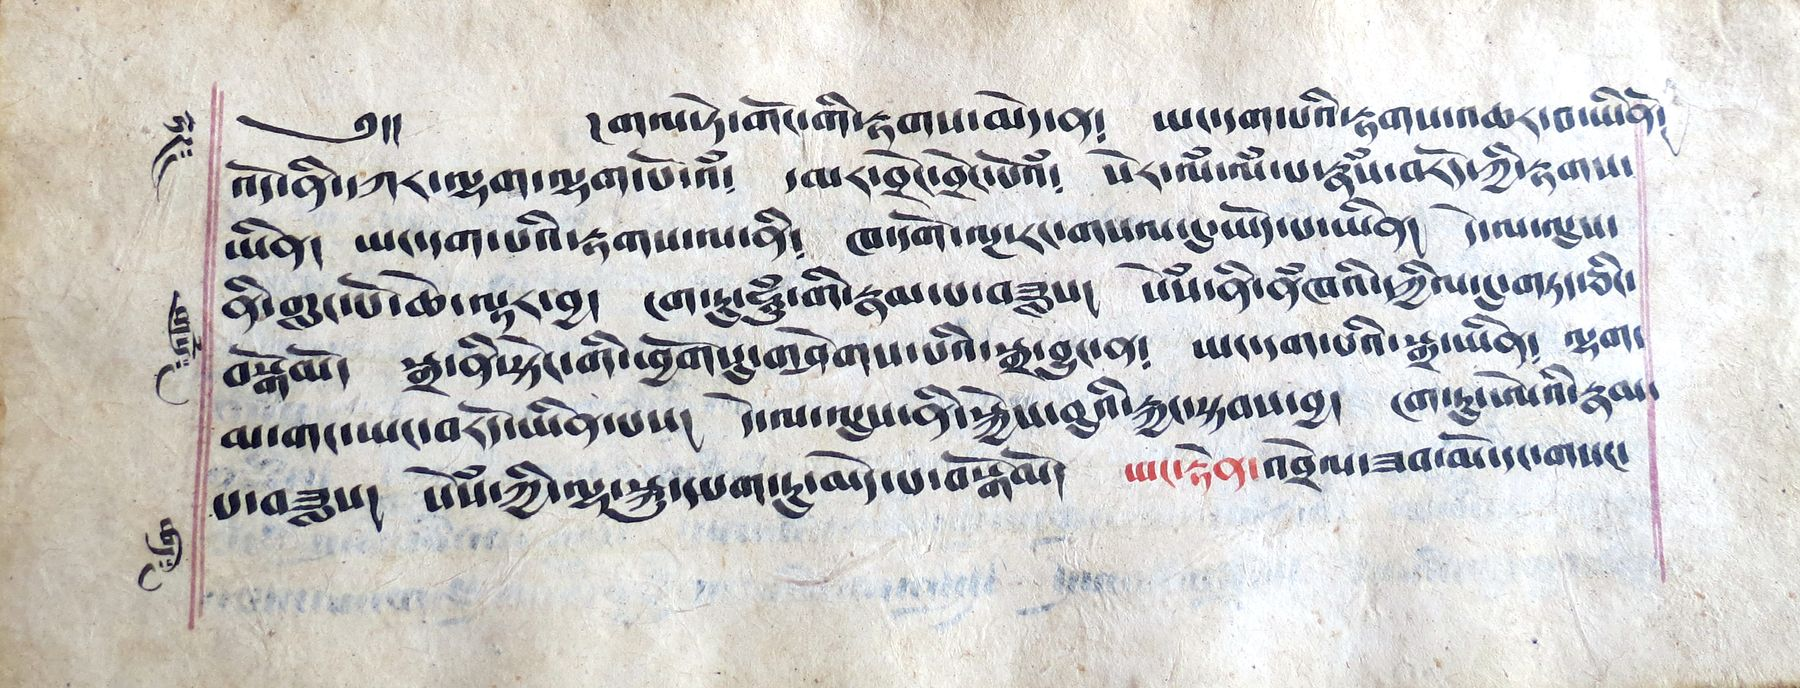གལ་ཏེ་གོང་གི་རྟགས་མེད་ན། ཡང་དག་པའི་རྟགས་ཡིན་ནོ། །
འོད་ནི་དཀར་ལྷག་ལྷག་པའམ། དམར་པོ་བྲེང་བྲེང་པའམ། སེར་ལམ་ལམ་པ་རྣམས། བར་ཆོད་ཀྱི་རྟགས་
ཡིན་ནོ། །ཡང་དག་པའི་རྟགས་ནི། ཁ་དོག་ལྔ་རང་གསལ་དུ་ཡོད་པ་ཡིན་ནོ། །དེ་ལ་ལུས་
ནི་གླང་པོ་ཆེ་ལྟར་བྱ། ངག་ཏུ་ཧཱུྃ་གི་རྣམ་པ་བཟླས། སེམས་ནི་ནམ་མཁའི་དཀྱིལ་དུ་གཏད་ཅིང་
སྒོམ་མོ། སྒྲ་ནི་སྟེང་གི་ཕྱོགས་སུ་ཤག་ཅེས་པའི་སྒྲ་བྱུང་ན་ཡང་དག་པའི་སྒྲ་ཡིན་གྱིས། ལྷག་
མ་གང་ཡང་བར་ཆད་ཀྱི་རྟགས་ཡིན་པས། དེ་ལ་ལུས་སྐྱེས་བུའི་བརྐྱང་ཐབས་བྱ། ངག་ཏུ་ཨེའི་རྣམ་
པ་བཟླས། སེམས་ཀྱིས་ལྷ་སྐུ་དཔག་ཏུ་མེད་པ་སྒོམ་མོ། །ཡང་རྟེན་འབྲེལ་ཟབ་མོ་དང་གསང་